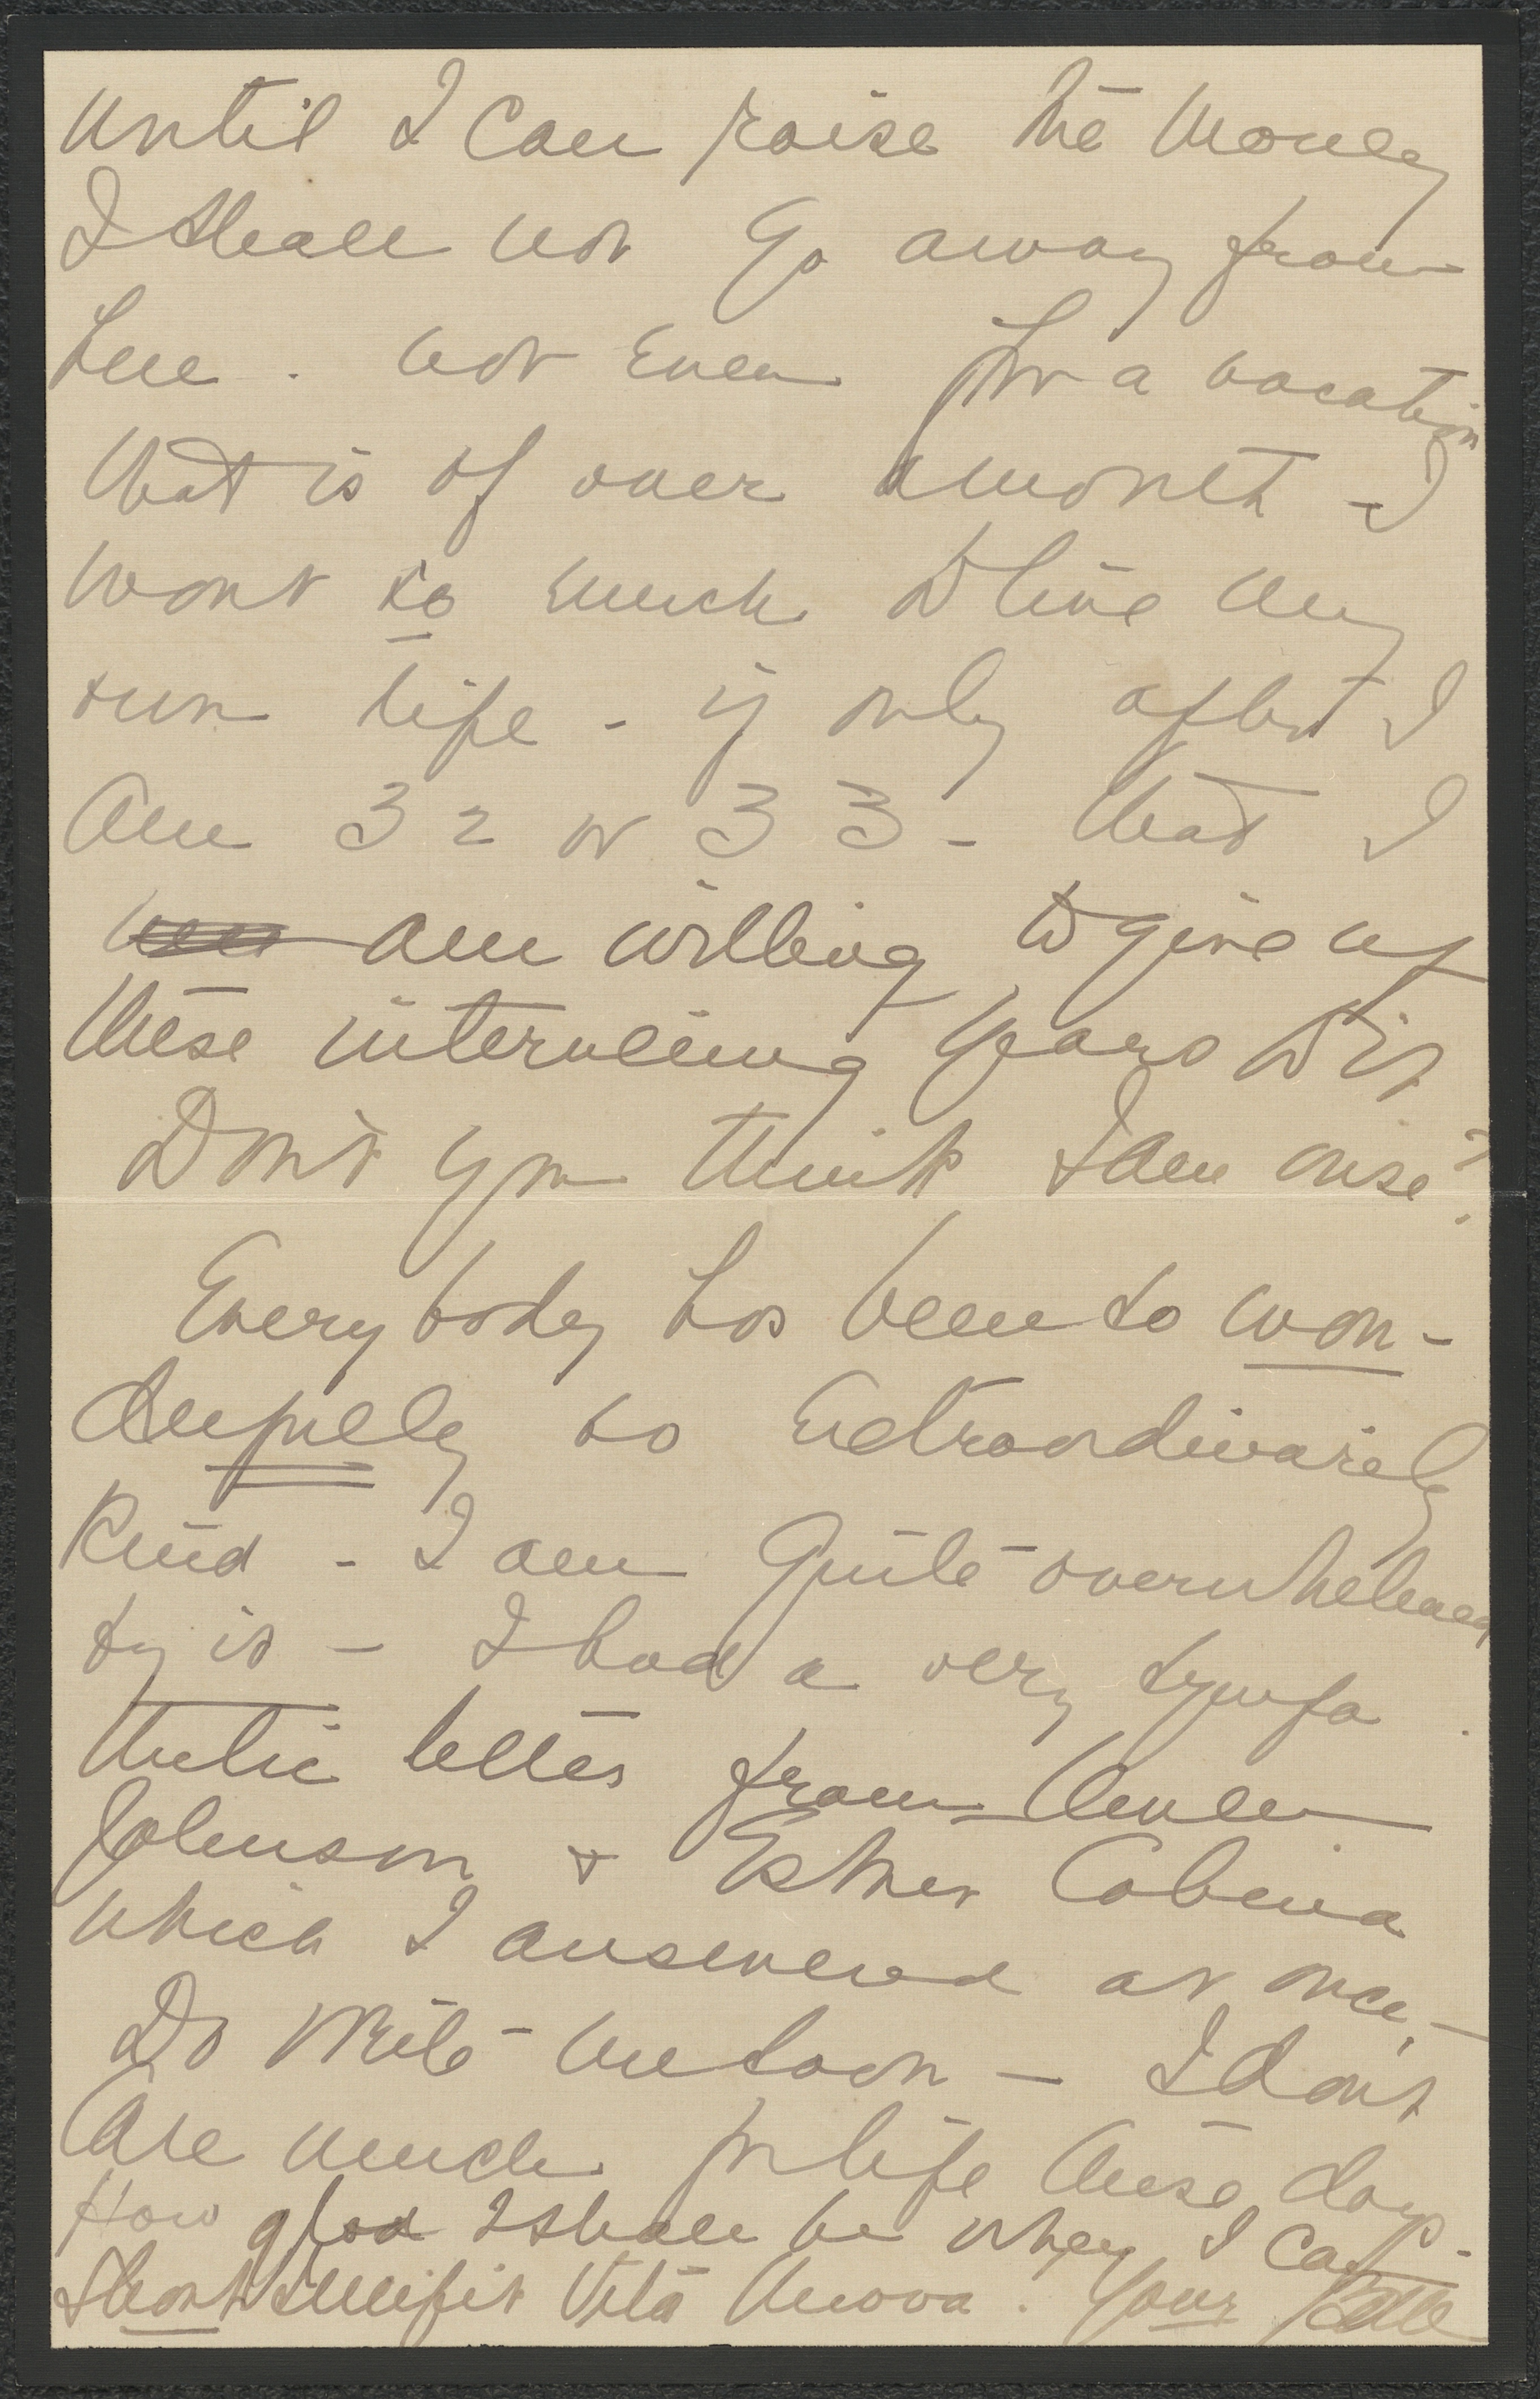until I can raise the money I shall not go away from here. not even for a vacation that is of over a month – I want so much to live my own life – if only after I am 32 or 33 – that I will am willing to give up these intervening years to it.
Don’t you think I am wise?
Everybody has been so [double underlined: wonderfully] so extraordinarily kind – I am quite overwhelmed by it – I had a very sympathetic letter from Owen Johnson & Esther Cobina which I answered at once –
Do write me soon – I don’t care much for life these days. How glad I shall be when I can shout Incipit Vita Nuova. Your Belle